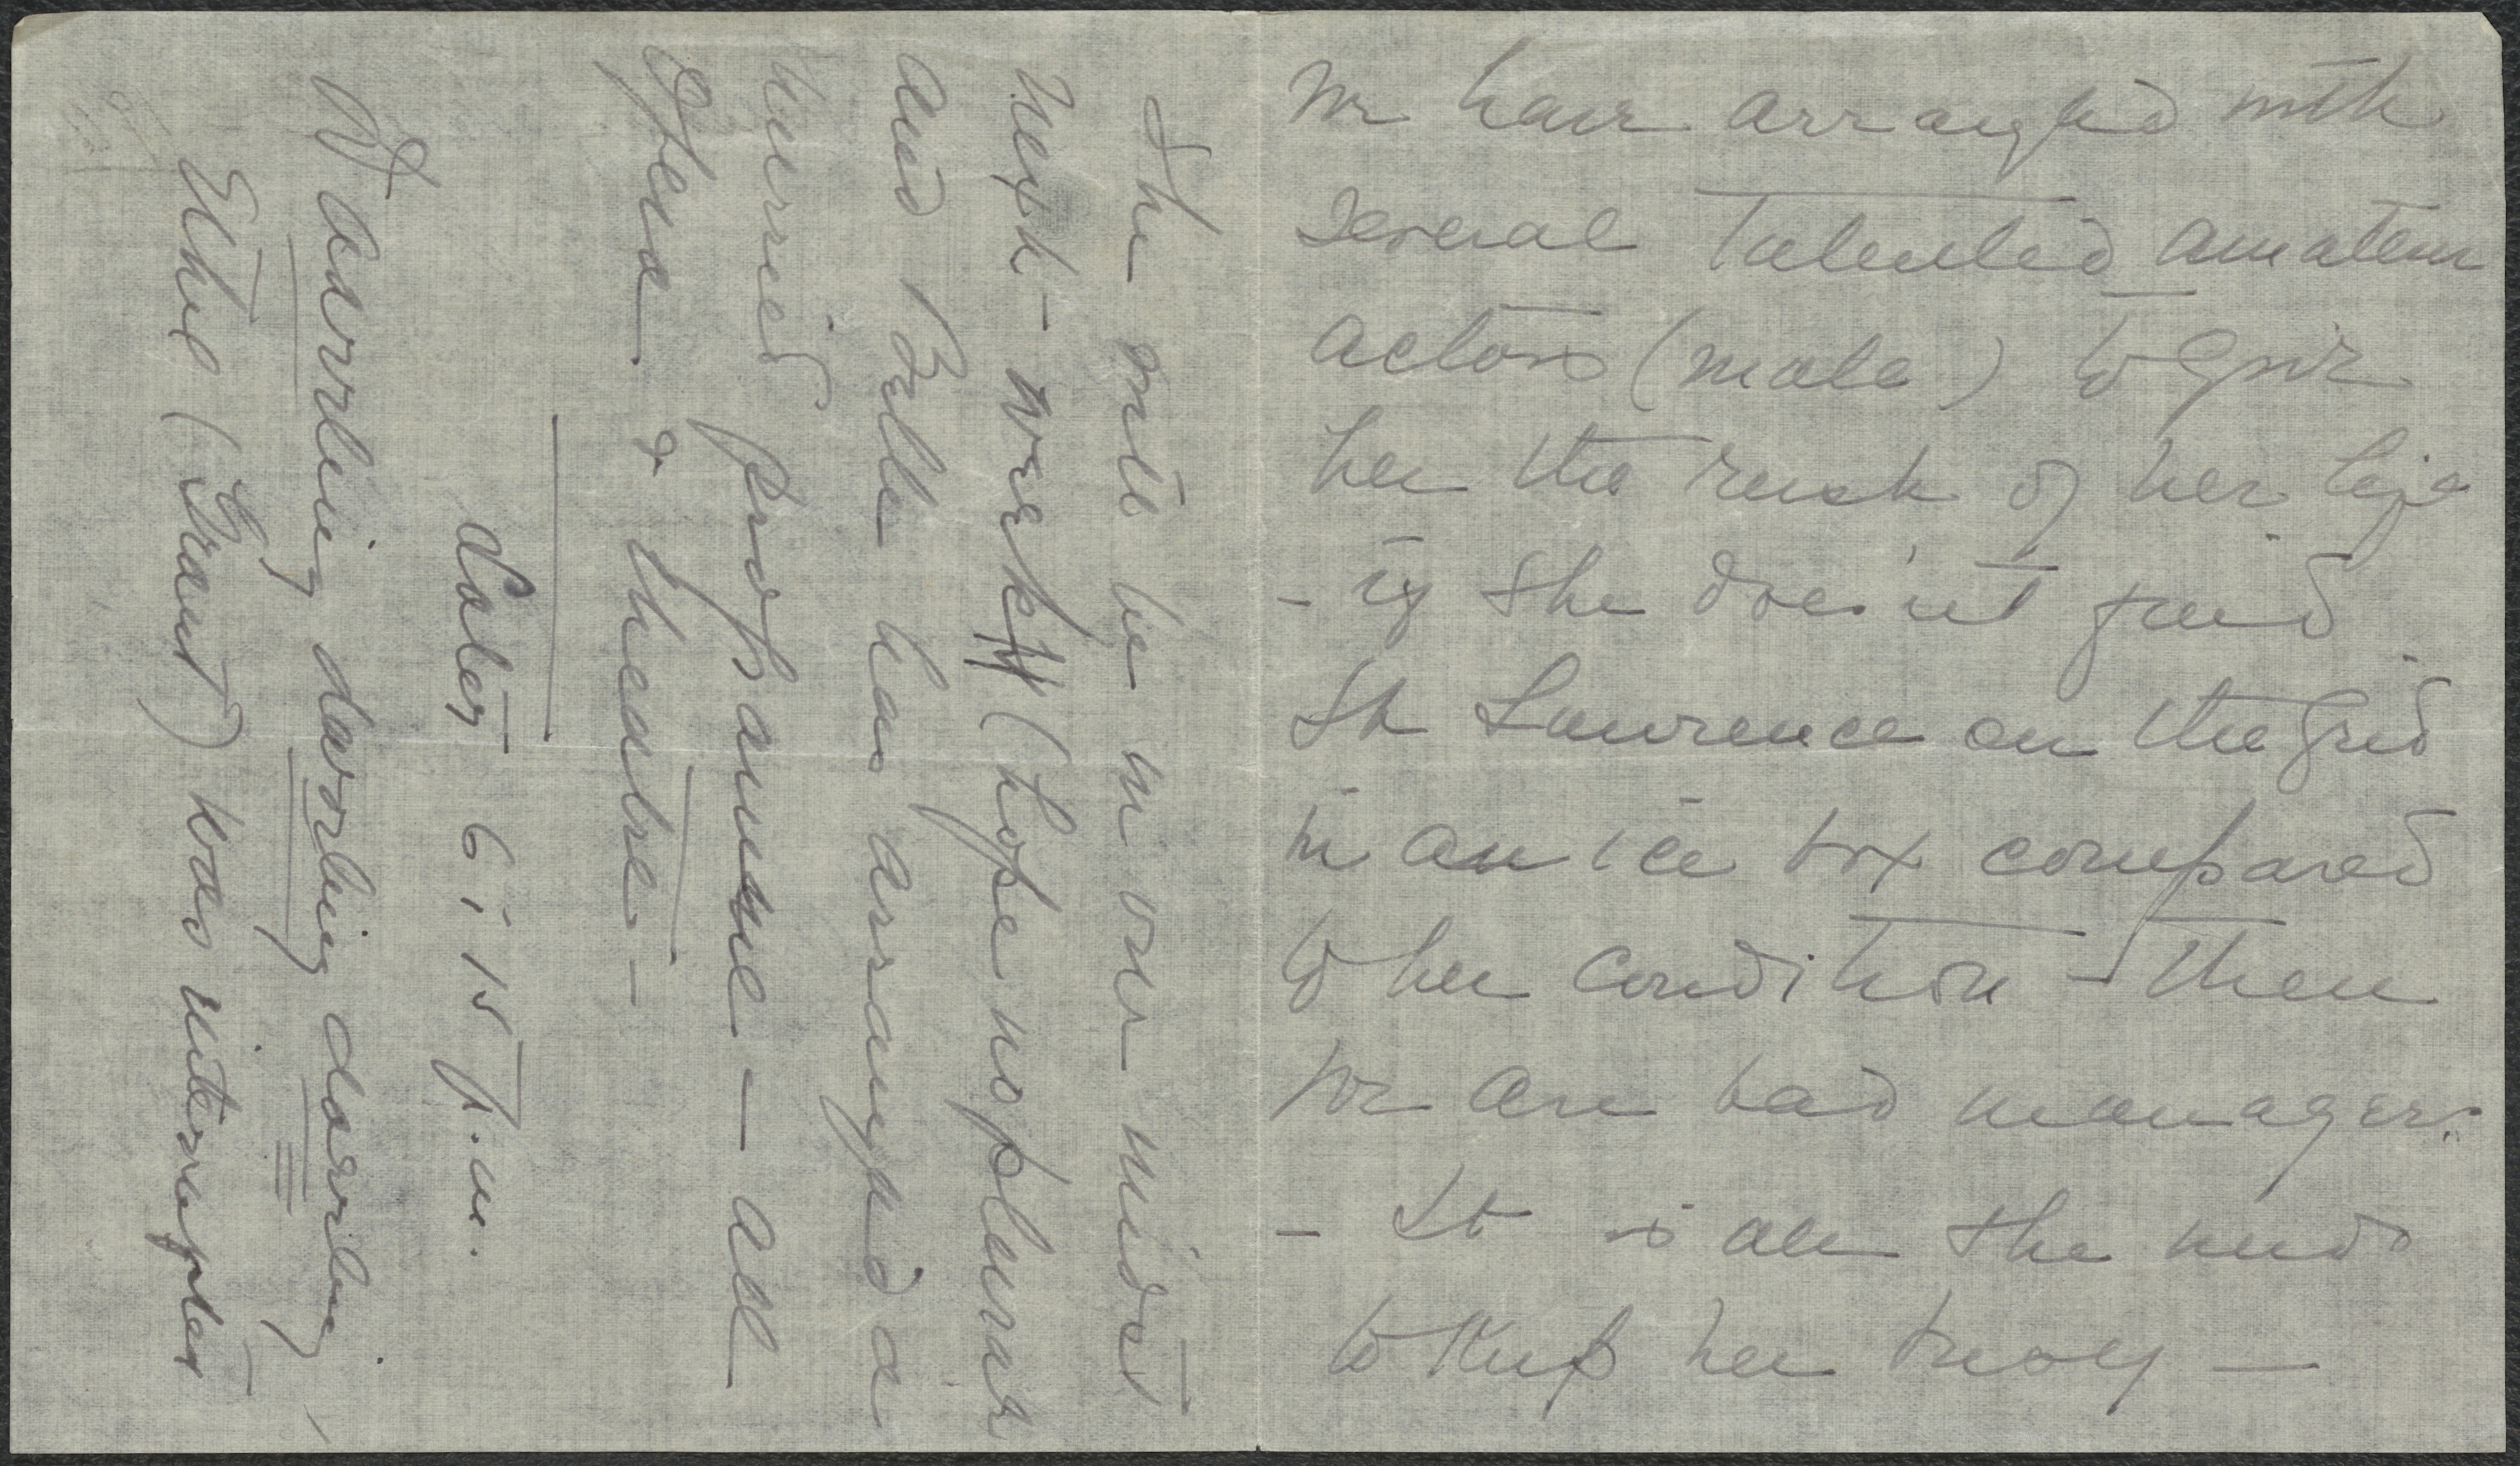We have arranged with several talented amateur actors (male) to give her the rush of her life – if she doesn’t find St. Laurence on the grid in an ice box compared to her condition – Then we are bad managers – It is all the men [?] to keep her busy –
[written sideways:
She will be in our midst next week hope no plural [?] and Belle has arranged a hurried programme – all opera & theatre –
𑁋
Later 6:15 p.m.
Daarrling [double underlined: darrling] [triple underlined: darrling] –
Ethel (Grant) was interrupted]